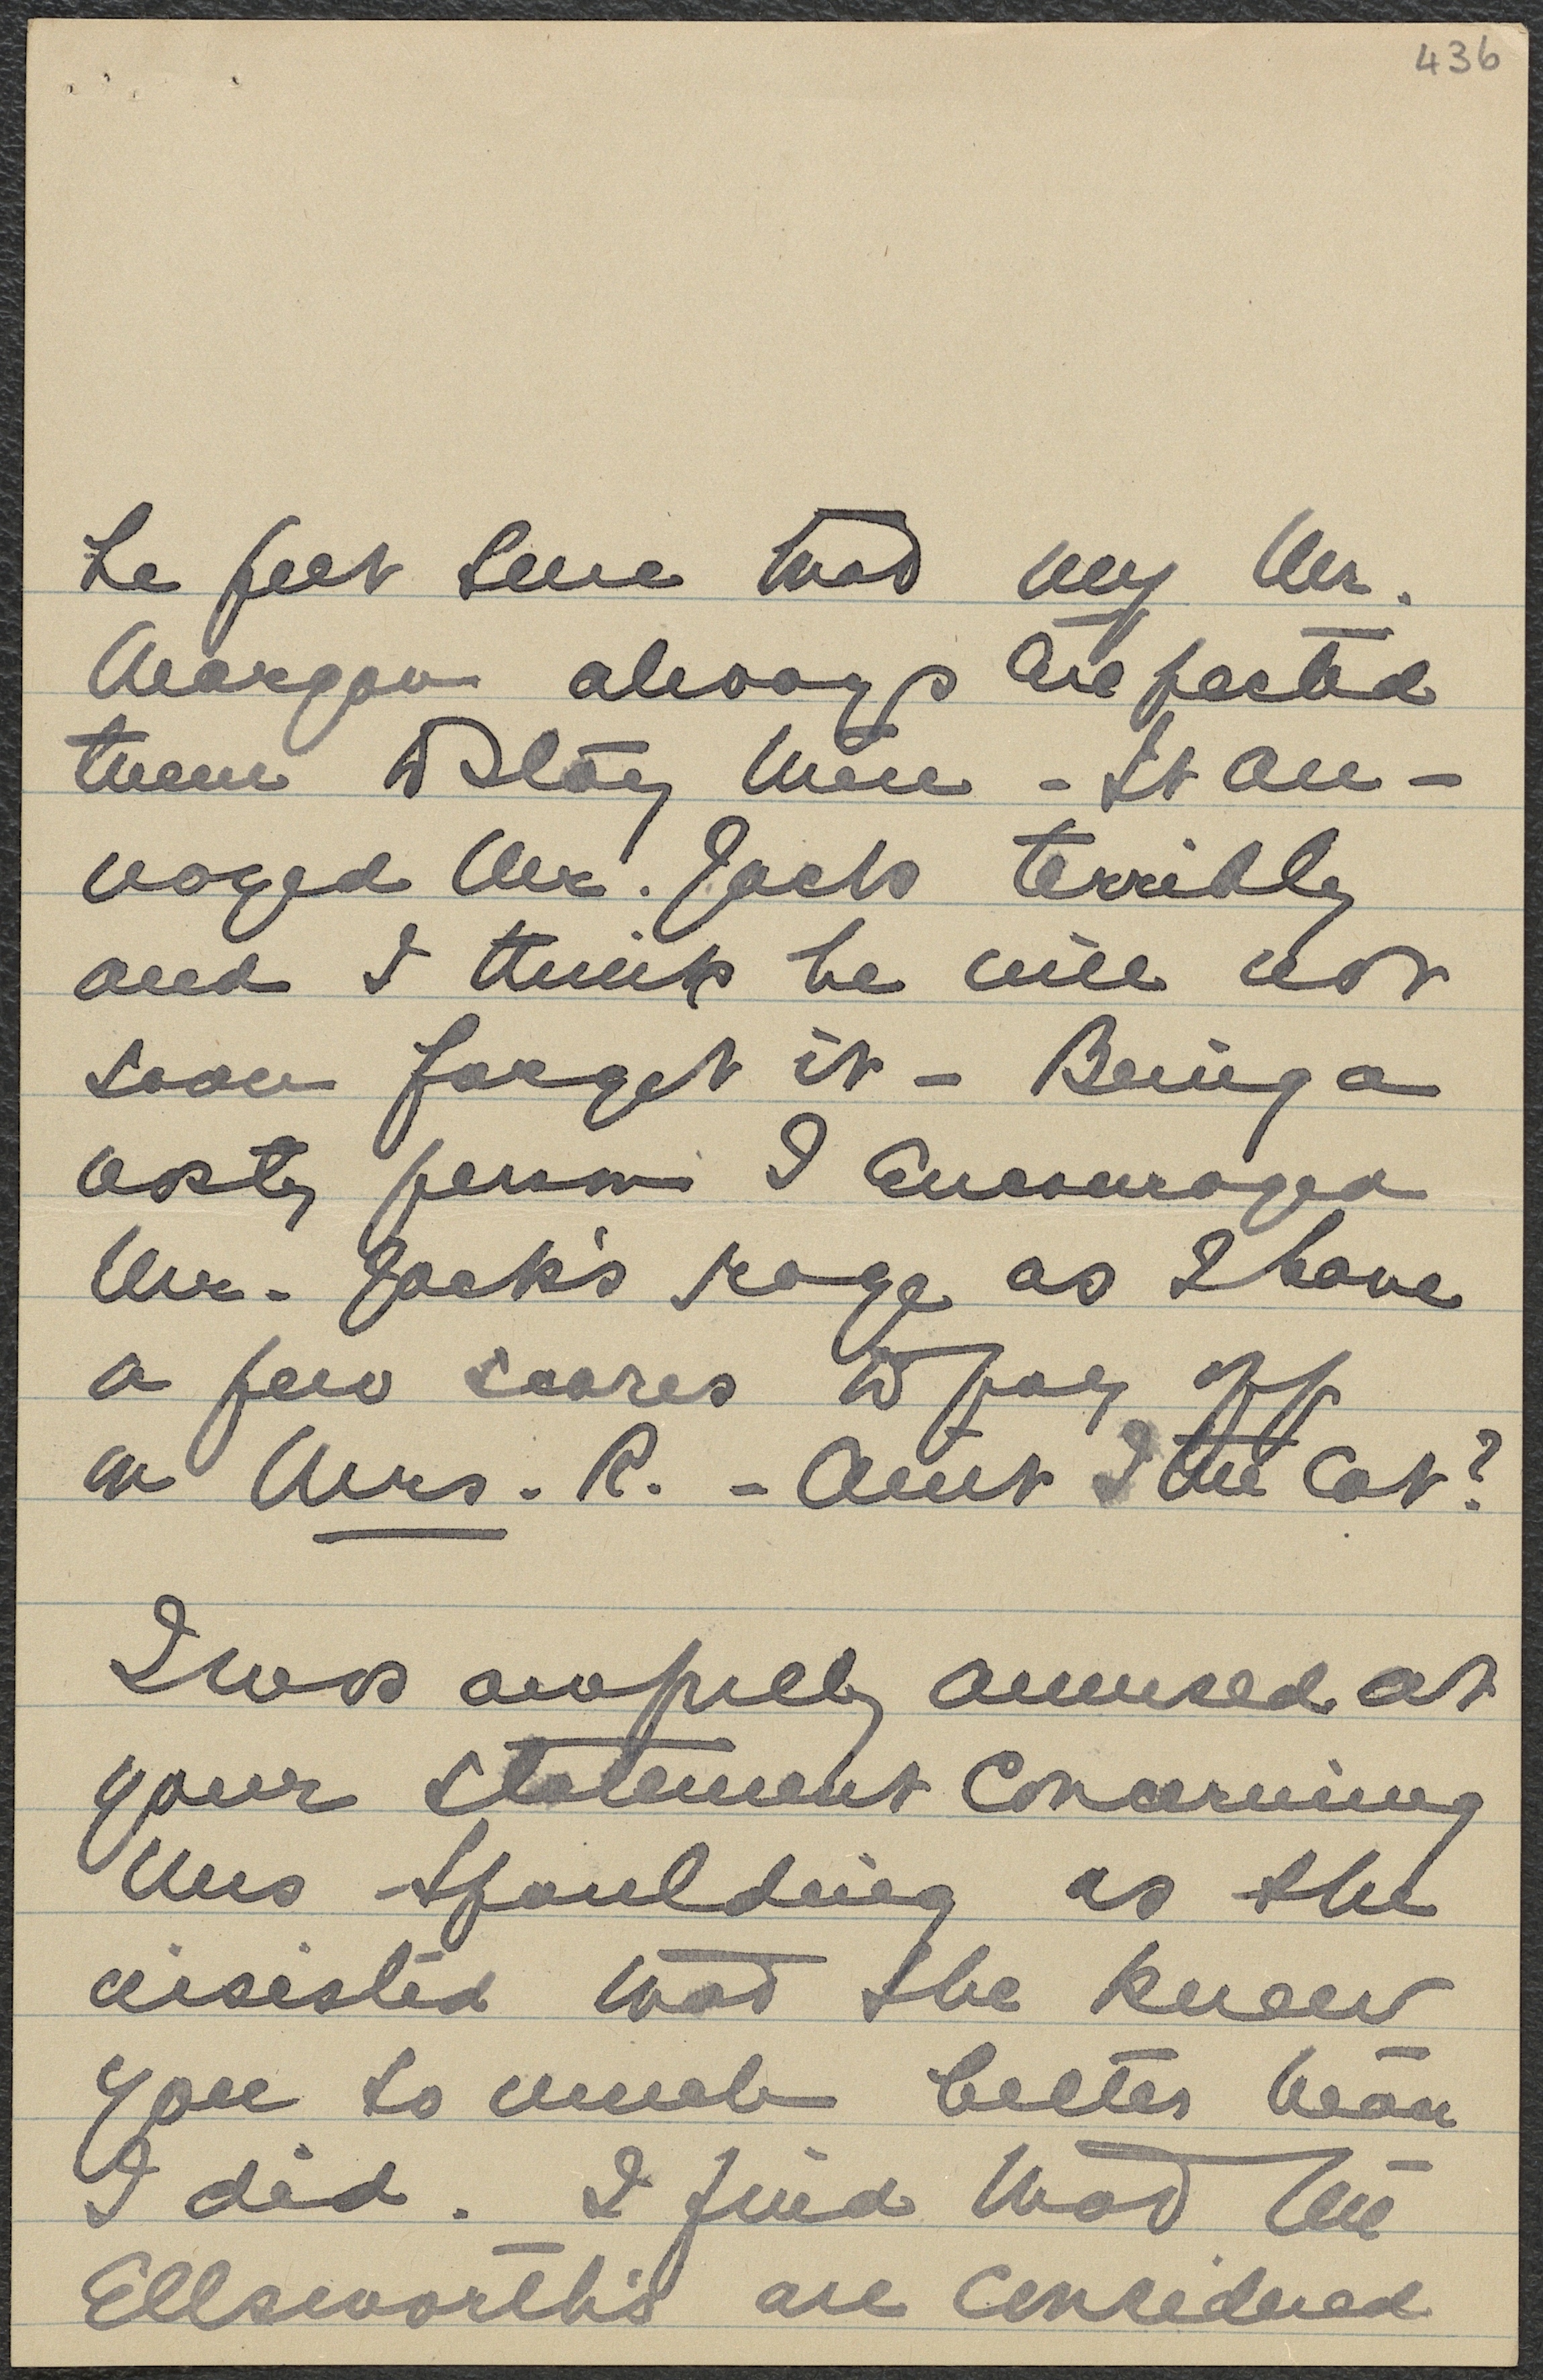he felt sure that my Mr. Morgan always expected them to stay there – It annoyed Mr. Jack terribly and I think he will not soon forget it – Being a nasty person I encouraged Mr. Jack’s rage as I have a few scores to pay off on Mrs. R. – aint I the cat?
I was awfully amused at your statement concerning Mrs. Spaulding as she insisted that she knew you so much better than I did. I find that the Ellsworth’s are considered